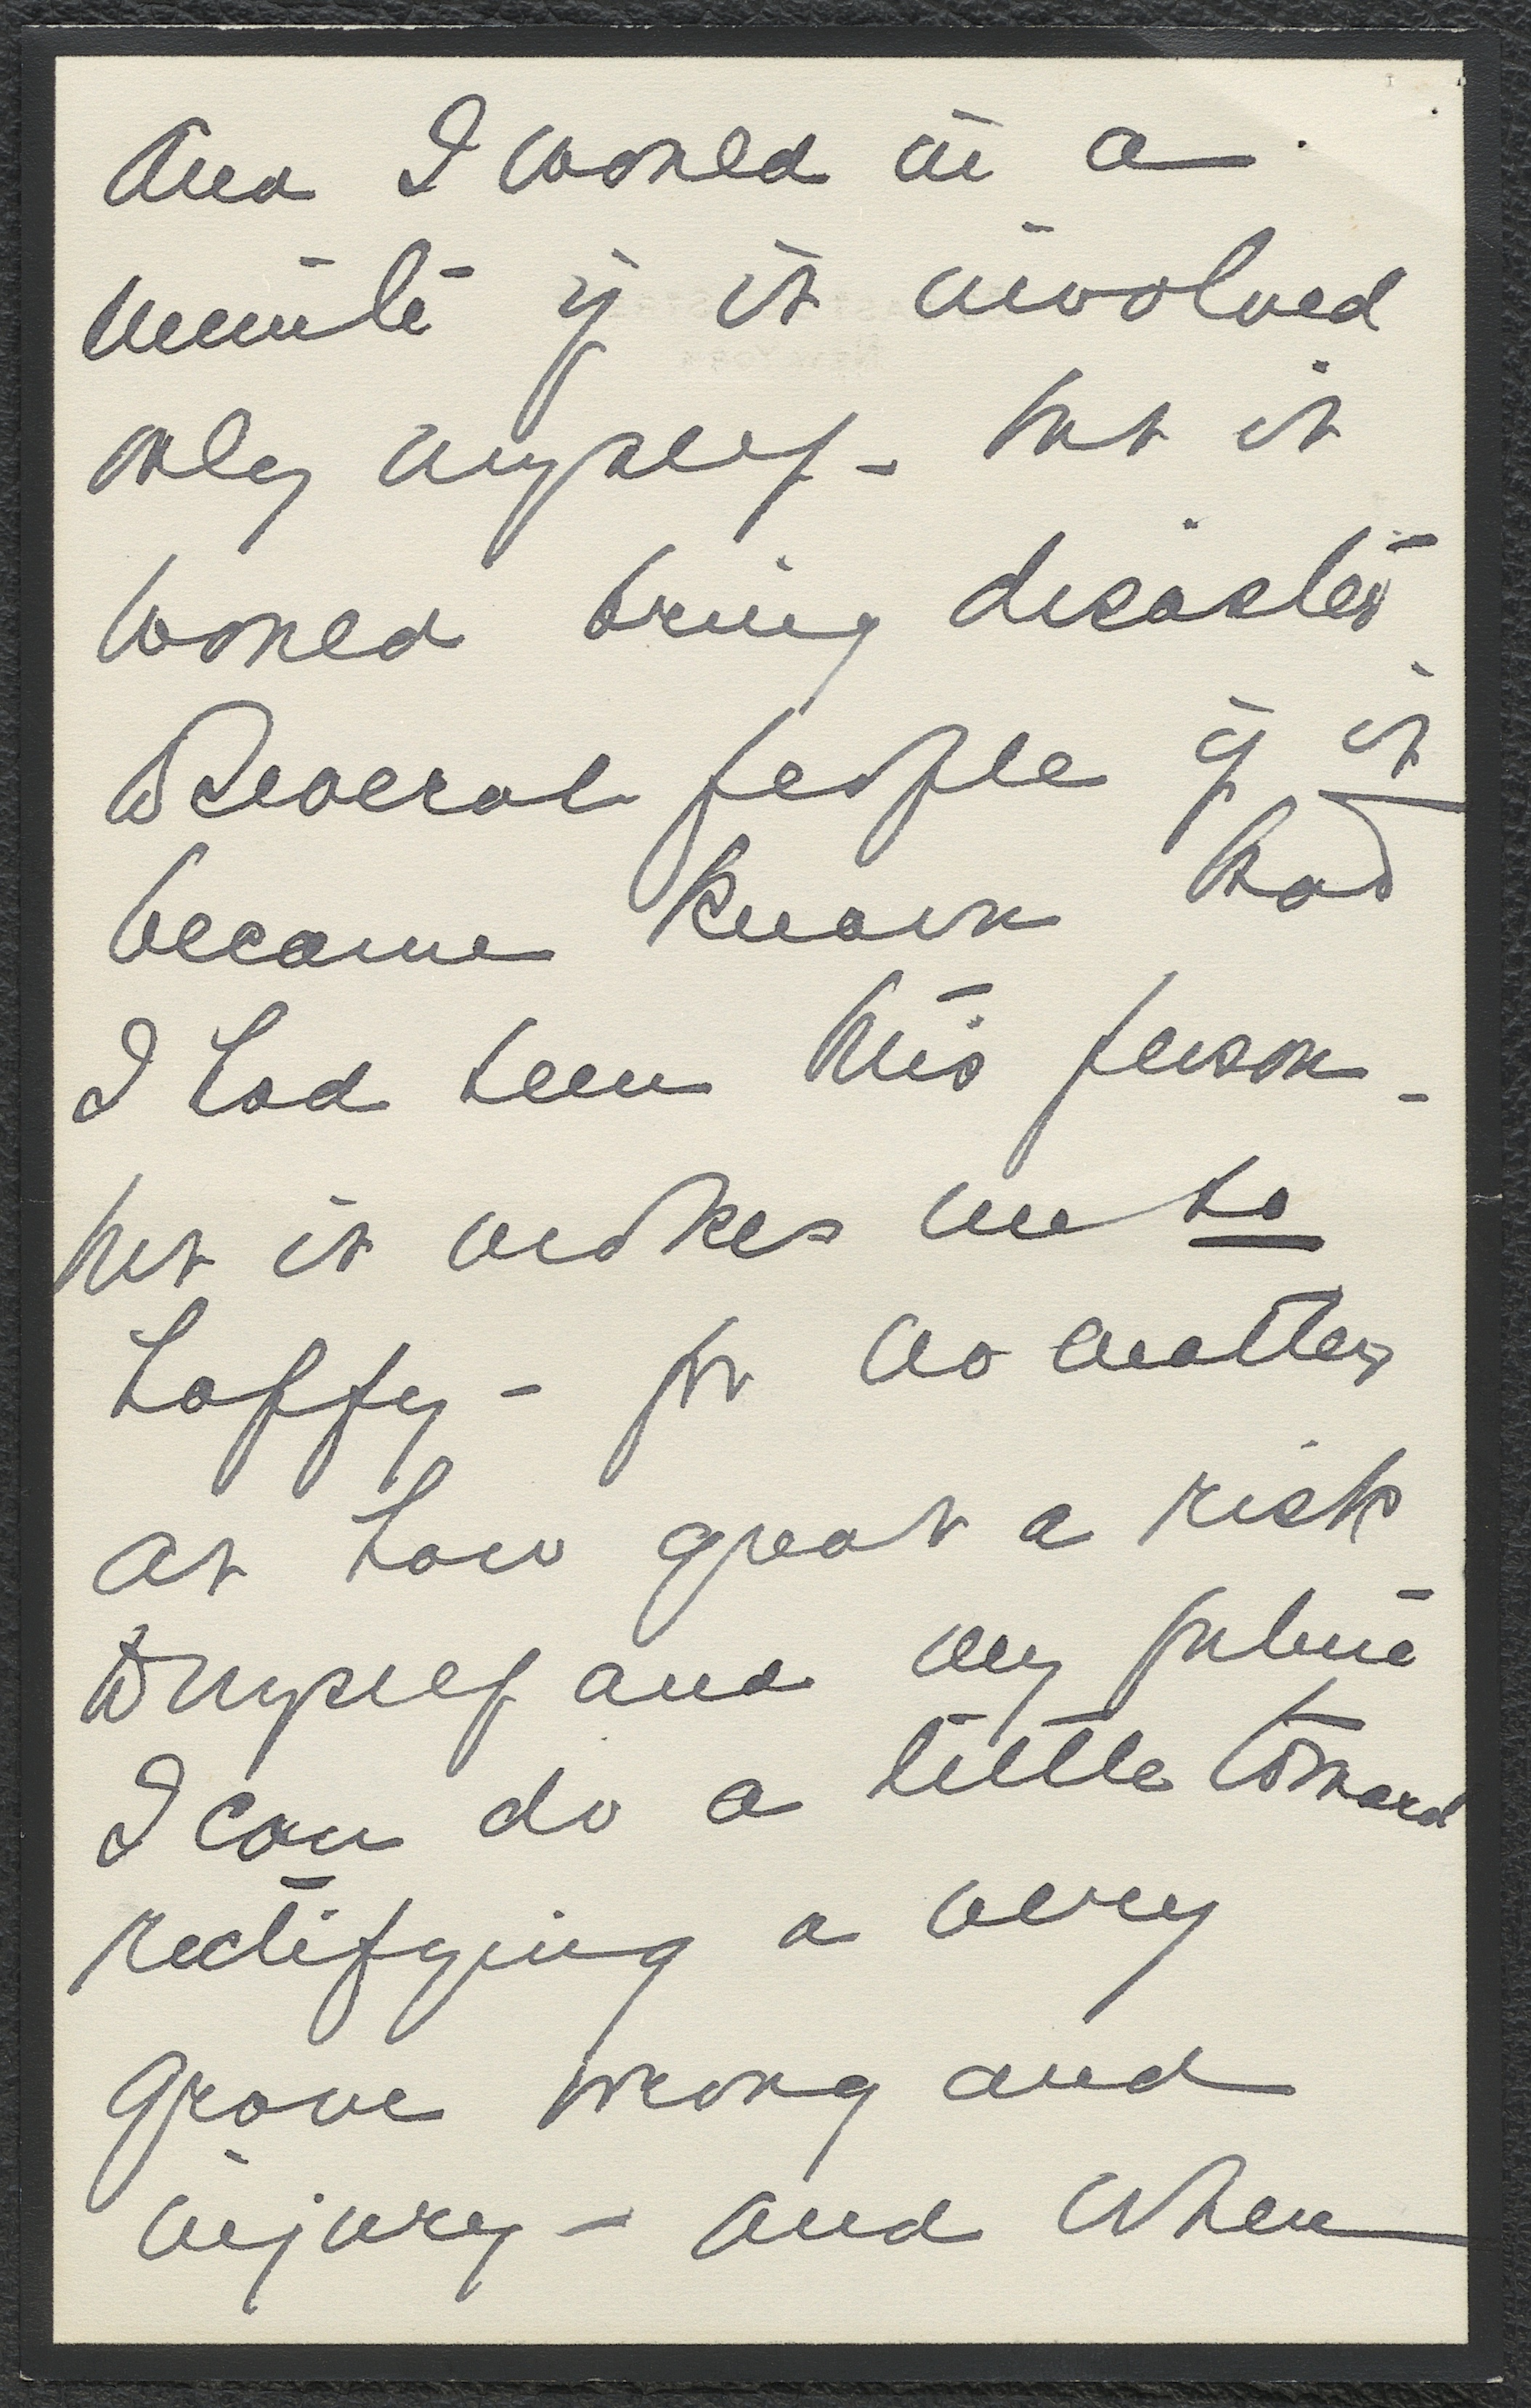And I would in a minute if it involved only myself – but it could bring disaster to several people if it became known that I had seen this person – but it makes me so happy – for no matter at how great a risk to myself and my future I can do a little toward rectifying a very grave wrong and injury – and when